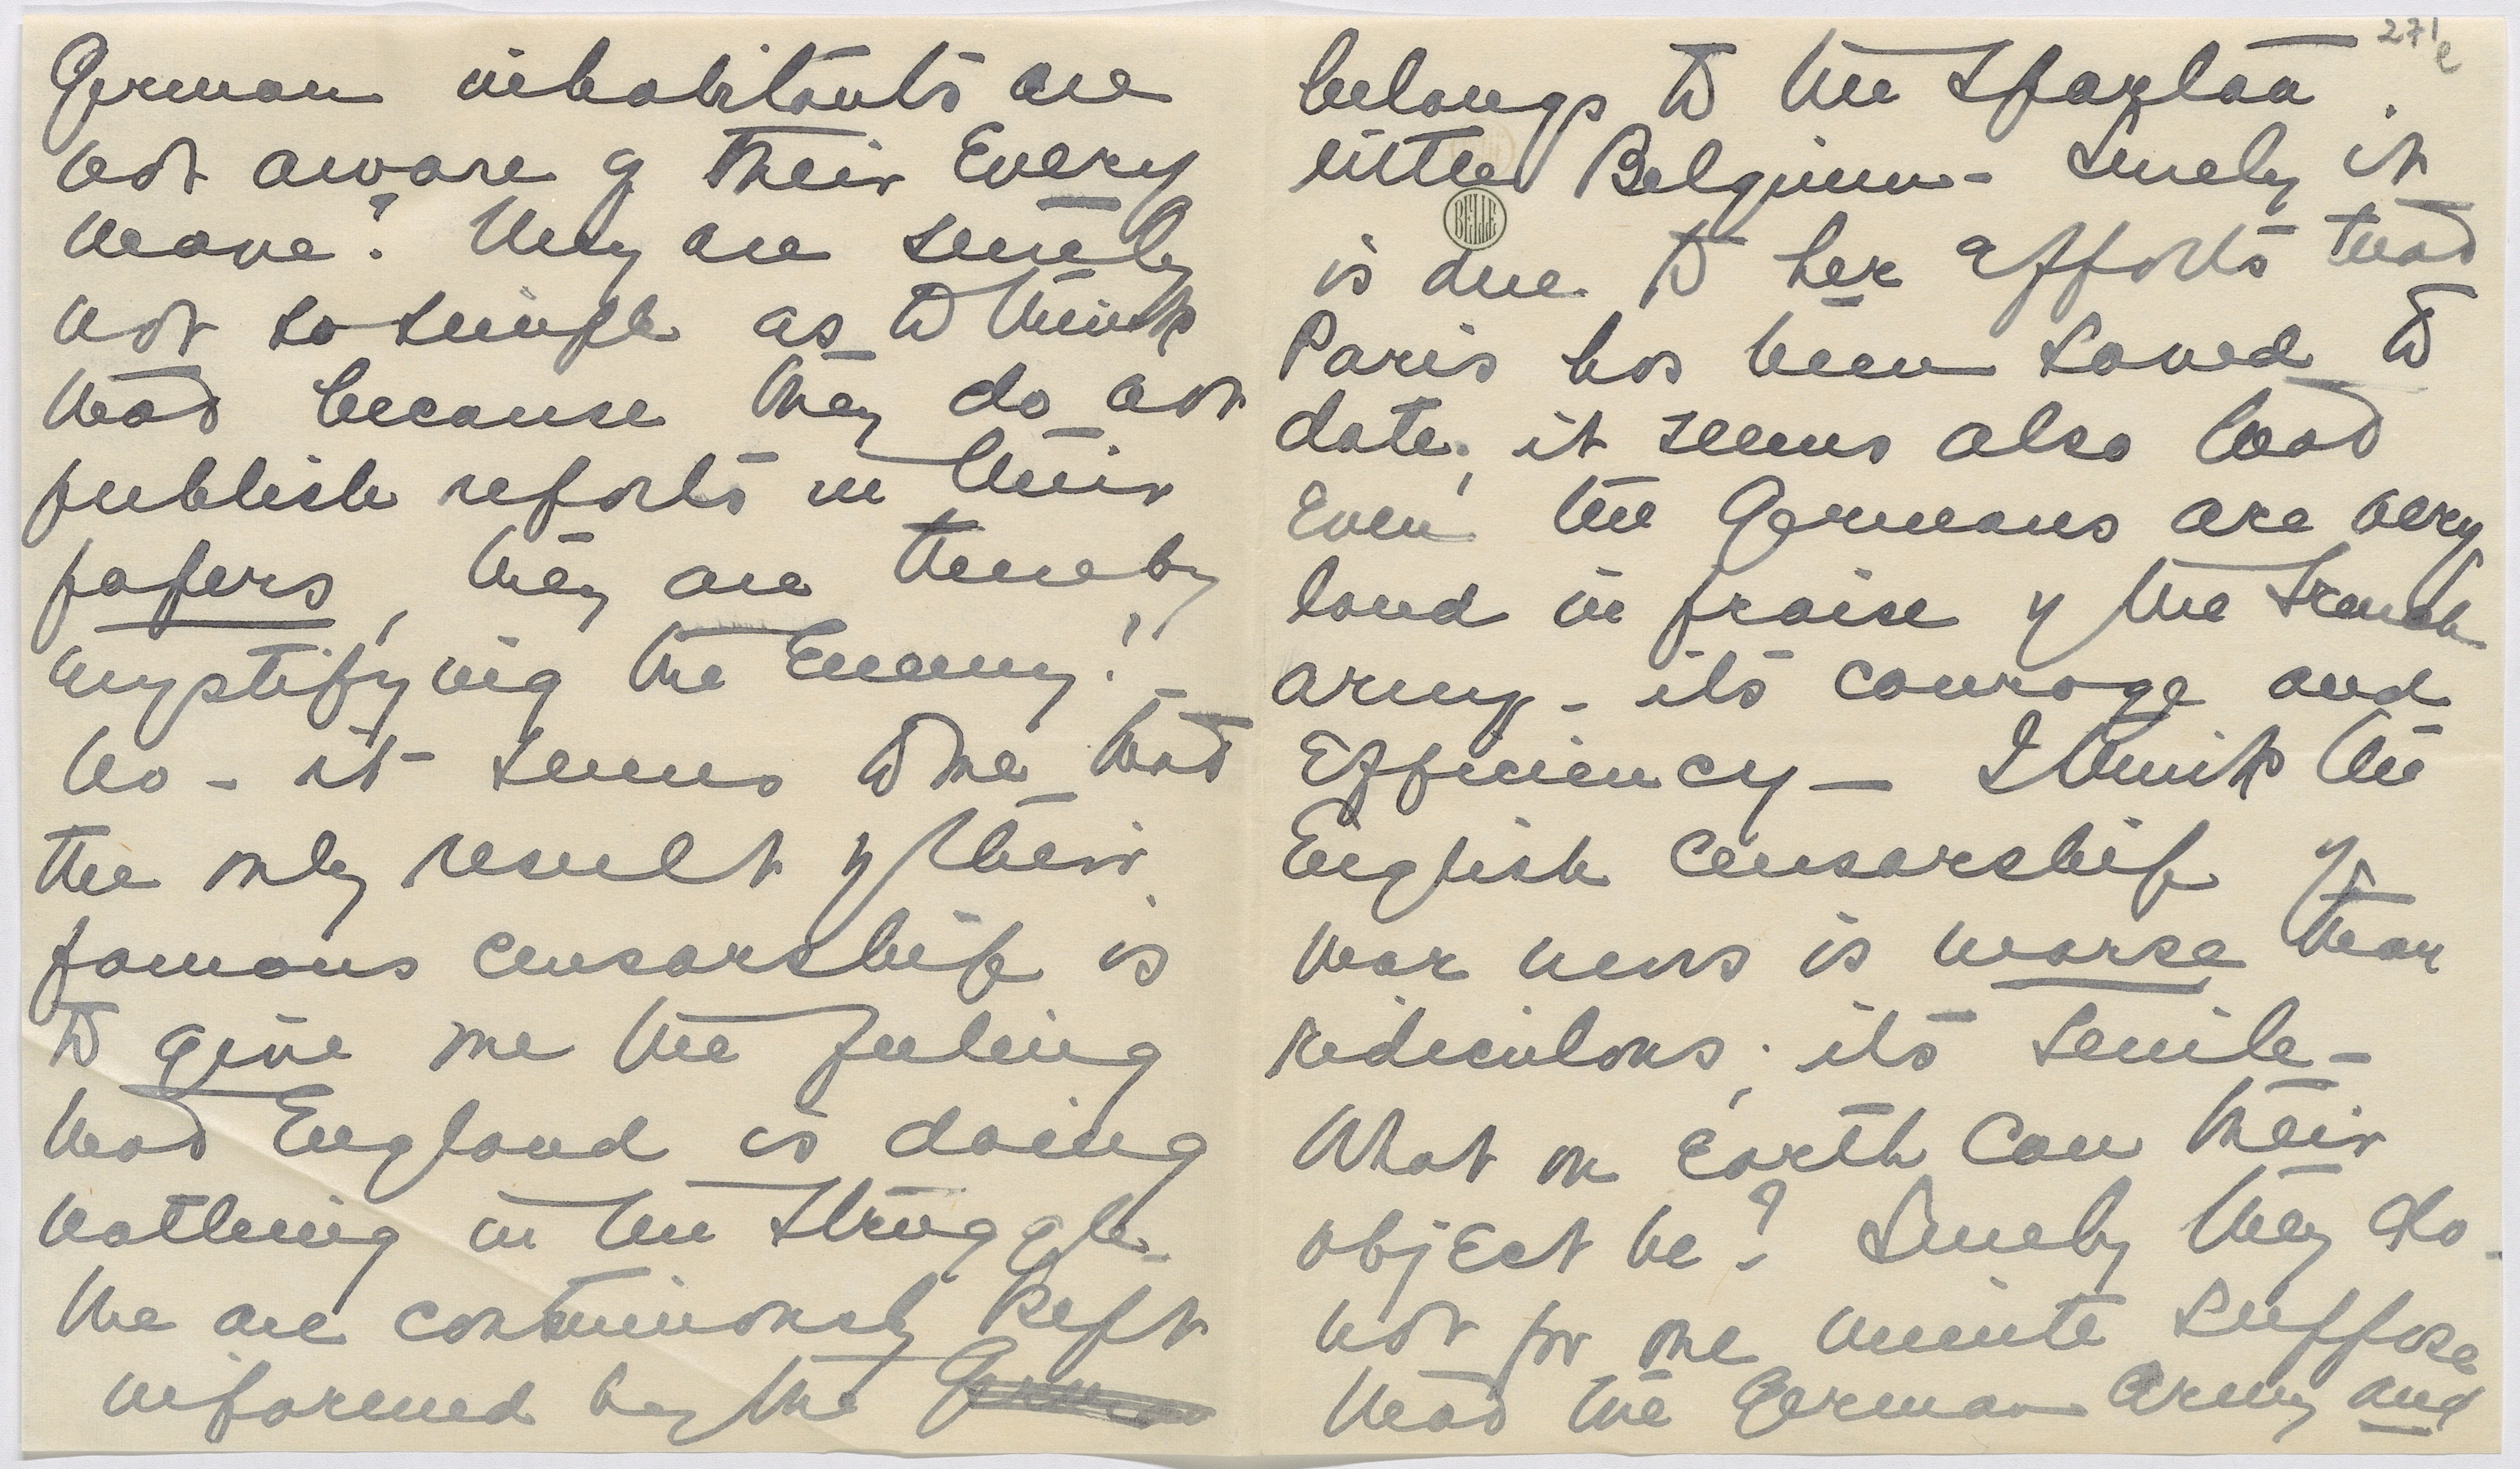belongs to the Spartan little Belgium – Surely it is due to her efforts that Paris has been saved to date; it seems also that even the Germans are very loud in praise of the French army – its courage and efficiency – I think the English censorship of war news is worse than ridiculous; it’s senile – What on Earth can their object be? Surely they do-not for one minute suppose that the German army and
German inhabitants are not aware of their every move? They are surely not so simple as to think that because they do not publish reports in their papers, they are thereby mystifying the Enemy! No – it seems to me that the only result of their famous censorship is to give me the feeling that England is doing nothing in the struggle – We are continuously kept informed by the Germa